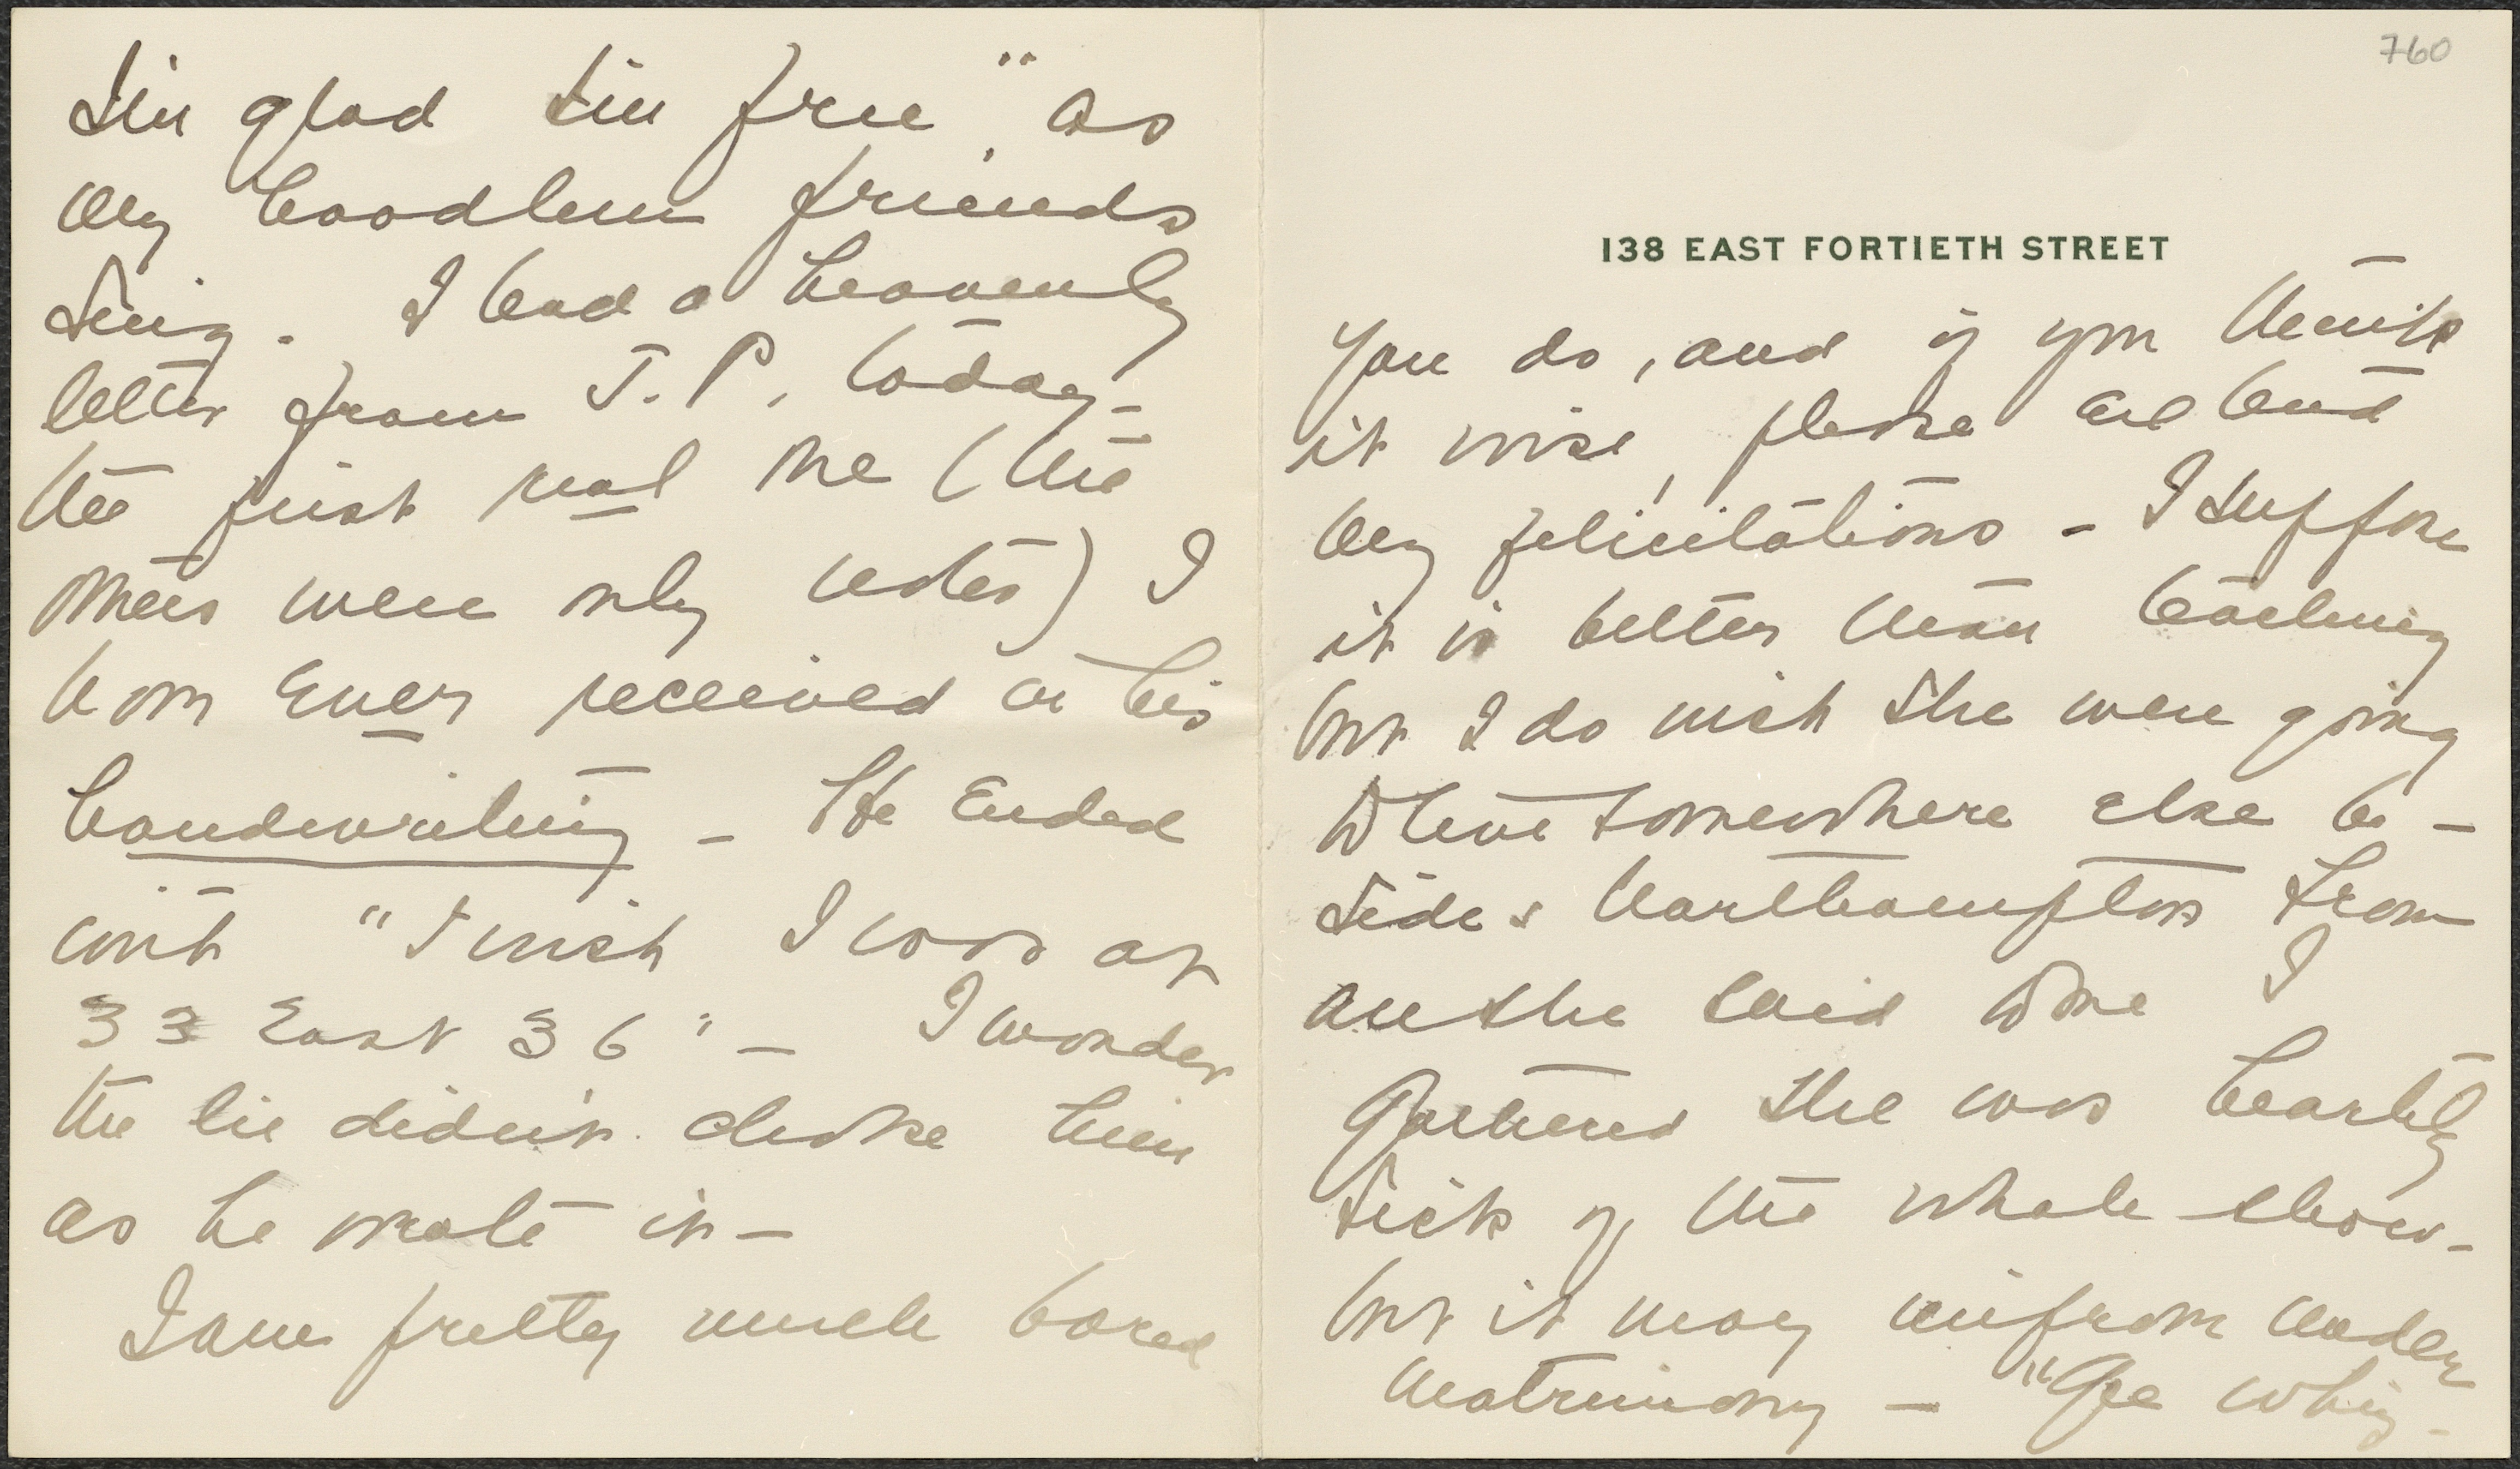you do, and if you think it wise, please extend my felicitations – I suppose it is better than teaching but I do wish she were going to live somewhere else besides Northampton from all she said to me I gathered she was heartily sick of the whole show – but it may improve under matrimony – “Gee whiz,
I’m glad I’m free” as my hoodlum friends sing. I had a heavenly letter from J. P. today – the first real one (the others were only notes) I have ever received in his handwriting – He ended with “I wish I was at 33 East 36” – I wonder the lie didn’t choke him as he wrote it –
I am pretty much bored